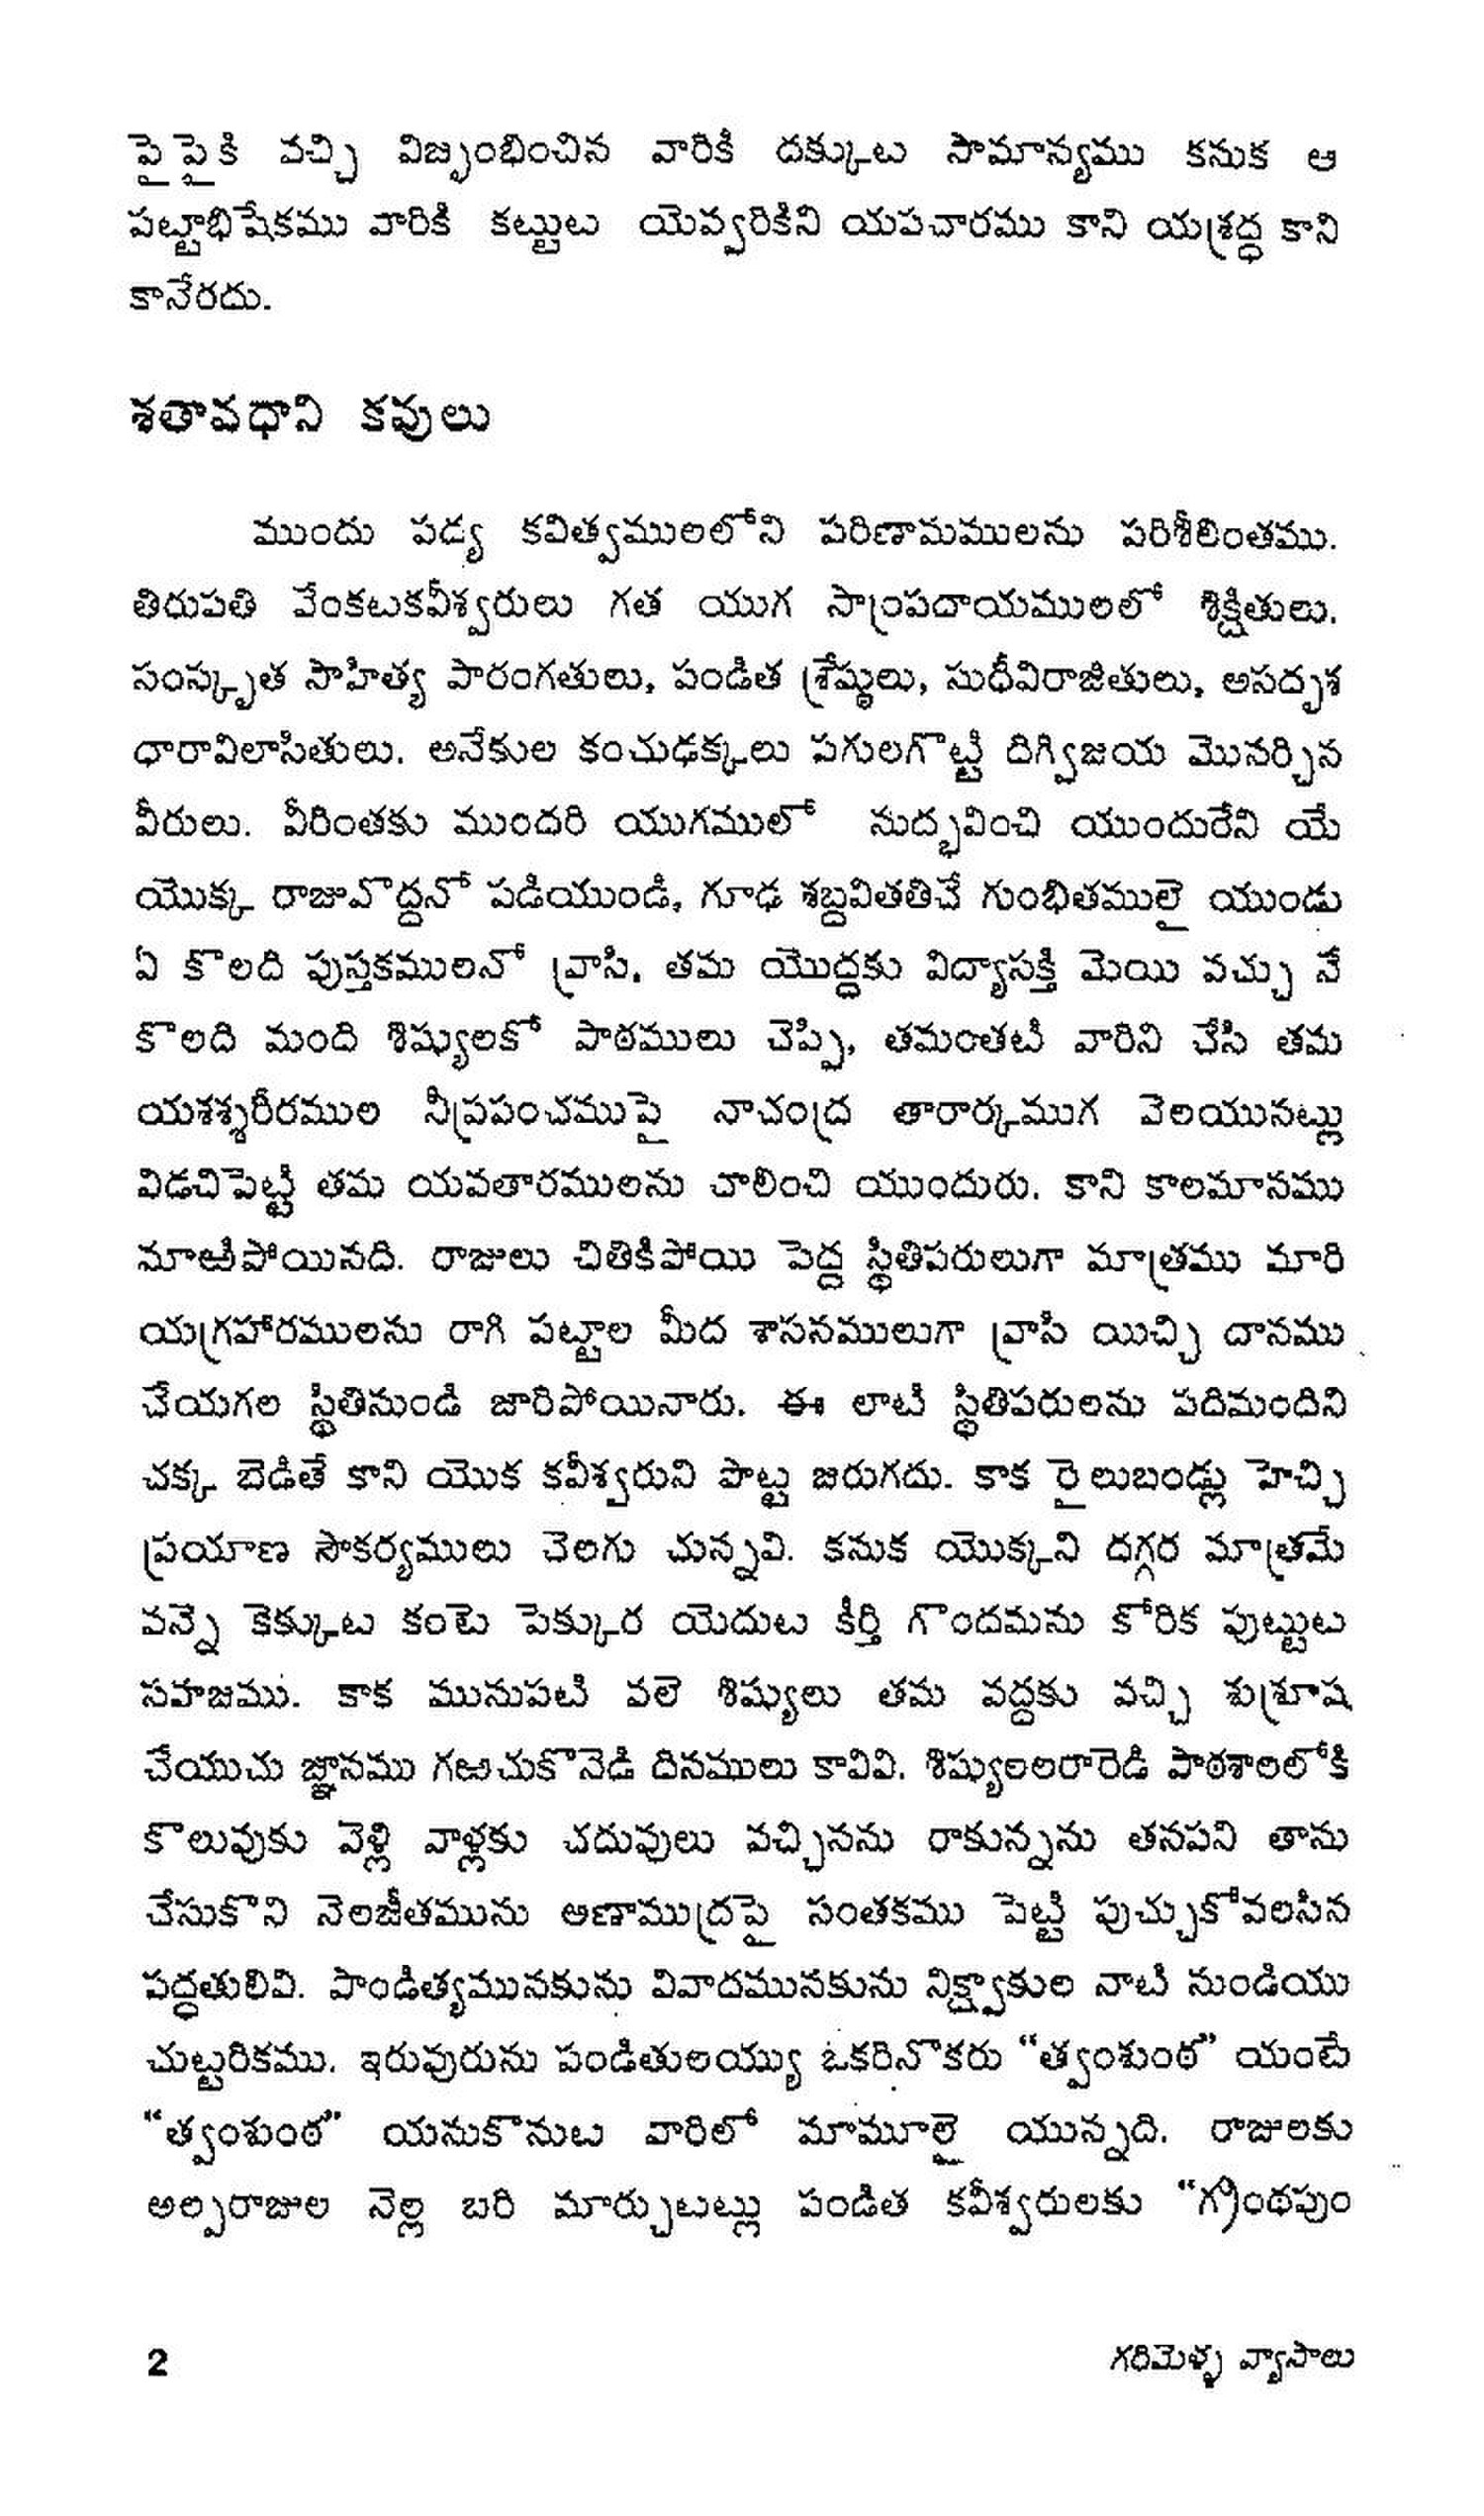పై పైకి వచ్చి విజృంభించిన వారికి దక్కుట సామాన్యము కనుక ఆ పట్టాభిషేకము వారికి కట్టుట యెవ్వరికిని యపచారము కాని యశ్రద్ధ కాని కానేరదు. 

శతావధాని కవులు

ముందు పద్య కవిత్వములలోని పరిణామములను పరిశీలింతము. తిరుపతి వేంకటకవీశ్వరులు గత యుగ సాంప్రదాయములలో శిక్షితులు. సంస్కృత సాహిత్య పారంగతులు, పండిత శ్రేష్ఠులు, సుధీవిరాజితులు, అసదృశ ధారావిలాసితులు అనేకుల కంచుఢక్కలు పగులగొట్టి దిగ్విజయ మొనర్చిన వీరులు. వీరింతకు ముందరి యుగములో నుద్భవించి యుందురేని యేయొక్క రాజువొద్దనో పడియుండి, గూఢ శబ్దవితతిచే గుంభితములై యుండు ఏ కొలది పుస్తకములనో వ్రాసి, తమ యొద్దకు విద్యాసక్తి మెయి వచ్చు నేకొలది మంది శిష్యులకో పాఠములు చెప్పి, తమంతటి వారిని చేసి తమ యశశ్శరీరముల నీప్రపంచముపై నాచంద్ర తారార్కముగ వెలయునట్లు విడిచిపెట్టి తమ యవతారములను చాలించి యుందురు. కాని కాలమానము మాఱిపోయినది. రాజులు చితికిపోయి పెద్ద స్థితిపరులుగా మాత్రము మారి యగ్రహారములను రాగి పట్టాల మీద శాసనములుగా వ్రాసియిచ్చి దానము చేయగల స్థితినుండి జారిపొయినారు. ఈ లాటి స్థితిపరులను పదిమందిని చక్క బెడితే కాని యొక కవీశ్వరుని పొట్ట జరుగదు. కాక రైలుంబండ్లు హెచ్చి ప్రయాణ సౌకర్యములు చెలగు చున్నవి. కనుక యొక్కని దగ్గర మాత్రమే వన్నె కెక్కుట కంటె పెక్కుర యెదుట కీర్తి గొందమను కోరిక పుట్టుట సహజము. కాక మునుపటి వలె శిష్యులు తమ వద్దకు వచ్చి శుశ్రూష చేయుచు జ్ఞానము గఱచుకొనెడి దినములు కావివి. శిష్యులలరారెడి పాఠశాలలోకి కొలువుకు వెళ్లి వాళ్లకు చదువులు వచ్చినను రాకున్నను తనపని తాను చేసుకొని నెలజీతమును అణాముద్రపై సంతకము పెట్టి పుచ్చుకోవలసిన పద్ధతులివి. పాండిత్యమునకును వివాదమునకును నిక్ష్వాకుల నాటి నుండియు చుట్టరికము, ఇరువురును పండితులయ్యు ఒకరినొకరు "త్వంశుంఠ" యంటే "త్వంశుంఠ" యనుకొనుట వారిలో మామూలై యున్నది. రాజులకు అల్పరాజుల నెల్ల బరి మార్చుటట్లు పండిత కవీశ్వరులకు "గ్రంధపుం